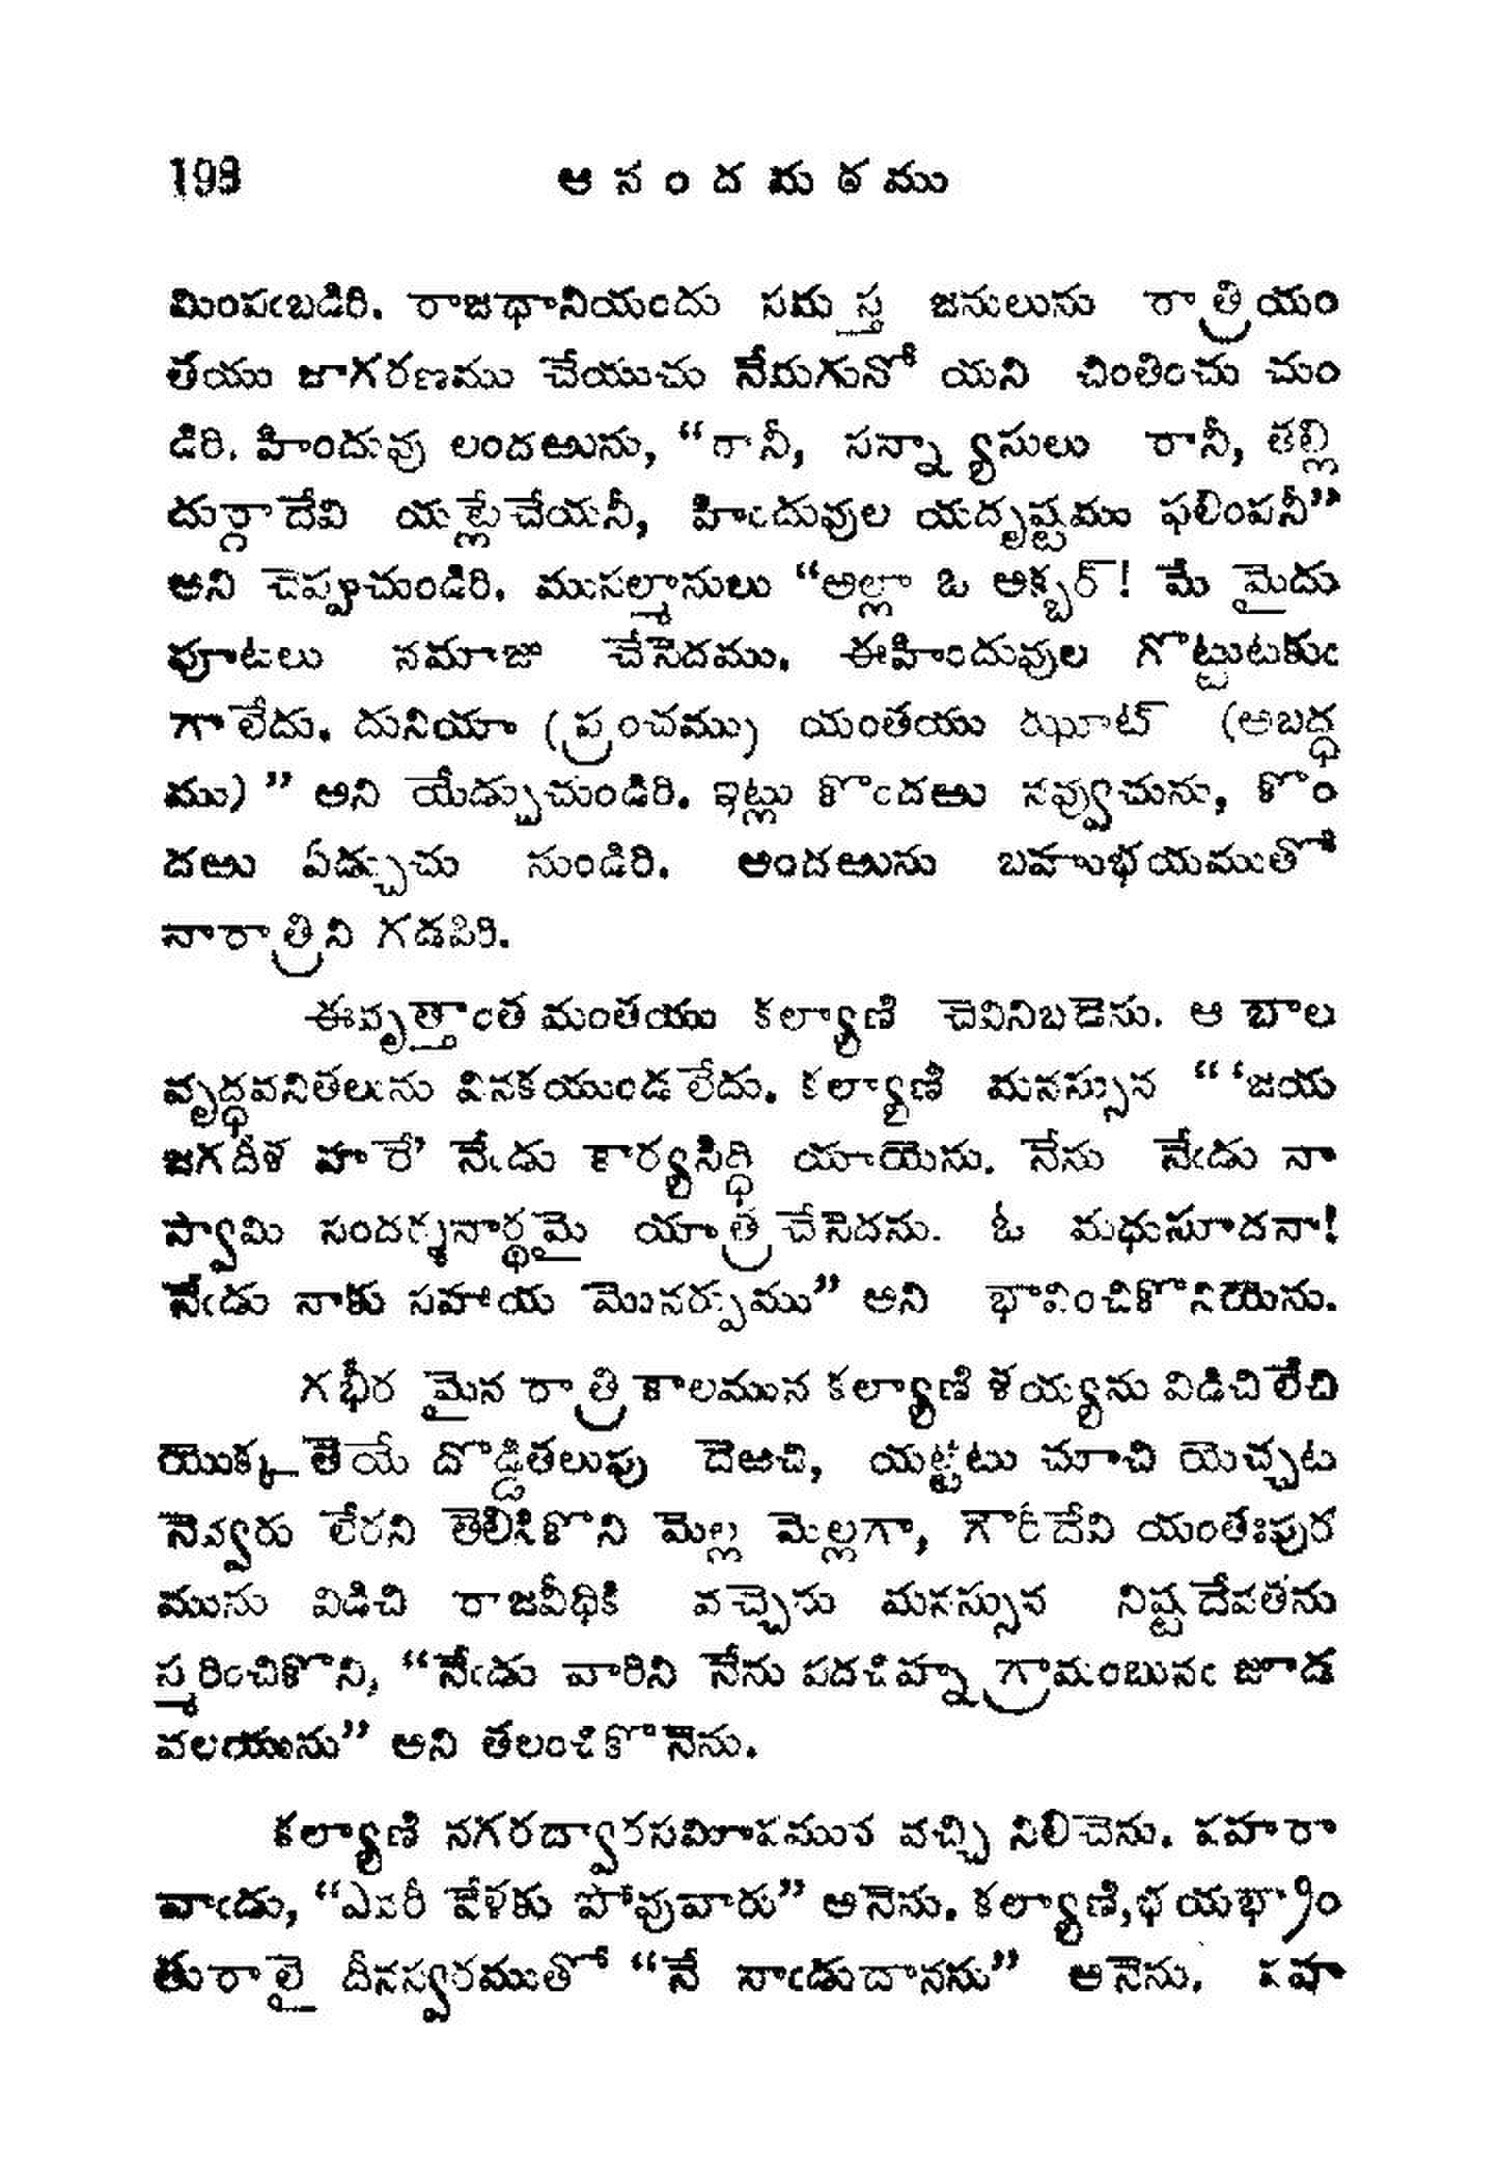మింపఁబడిరి. రాజధానియందు సమస్త జనులును రాత్రియంతయు జాగరణము చేయుచు నేనుగునో యని చింతించు చుండిరి. హిందువు లందఱును, “రానీ, సన్న్యాసులు రానీ, తల్లి దుర్గా దేవి యట్లే చేయనీ, హిందువుల యదృష్టము ఫలింపనీ” అని చెప్పుచుండిరి. ముసల్మానులు “అల్లా ఒ అక్బర్ ! మే మైదు పూటలు నమాజు చేసెదము. ఈహిందువుల గొట్టుటకుఁ గాలేదు. దునియా (ప్రపంచము) యంతయు ఝూట్ (అబద్ధము) " అని యేడ్చుచుండిరి. ఇట్లు కొందఱు నవ్వుచును, కొందఱు ఏడ్చుచు నుండిరి. అందఱును బహుభయముతో నారాత్రిని గడపిరి.

ఈవృత్తాంత మంతయు కల్యాణి చెవినిబడెను. ఆ బాల వృద్ధవనితలును వినకయుండ లేదు. కల్యాణీ మనస్సున " జయ
జగదీశ హరే' నేఁడు కార్యసిద్ధి యాయెను. 'నేను నేఁడు నా స్వామి సందర్శనార్థమై యాత్ర చేసెదను. ఓ మధుసూదనా!
నేఁడు నాకు సహాయ మొనర్పము” అని భావించికొనియెను.

గభీర మైన రాత్రి కాలమున కల్యాణి శయ్యను విడిచి లేచియొక్క తెయే దొడ్డితలుపు దెఱచి, యట్టిటు చూచి యెచ్చట
నెవ్వరు లేరని తెలిసికొని మెల్ల మెల్లగా, గౌరీదేవి యంతఃపురమును విడిచి రాజవీధికి వచ్చెను మసస్సున నిష్ట దేవతను
స్మరించికొని, “నేఁడు వారిని నేను పదచిహ్న గ్రామంబునఁ జూడ వలయును” అని తలంచికొనెను.

కల్యాణి నగరద్వార సమీపమున వచ్చి నిలిచెను. పహరా వాఁడు, “ఎవరీ వేళకు పోవువారు” అనెను. కల్యాణి,భయభ్యాం
తురాలై దీనస్వరముతో "నే నాఁడు దానను” అనెను. పహ